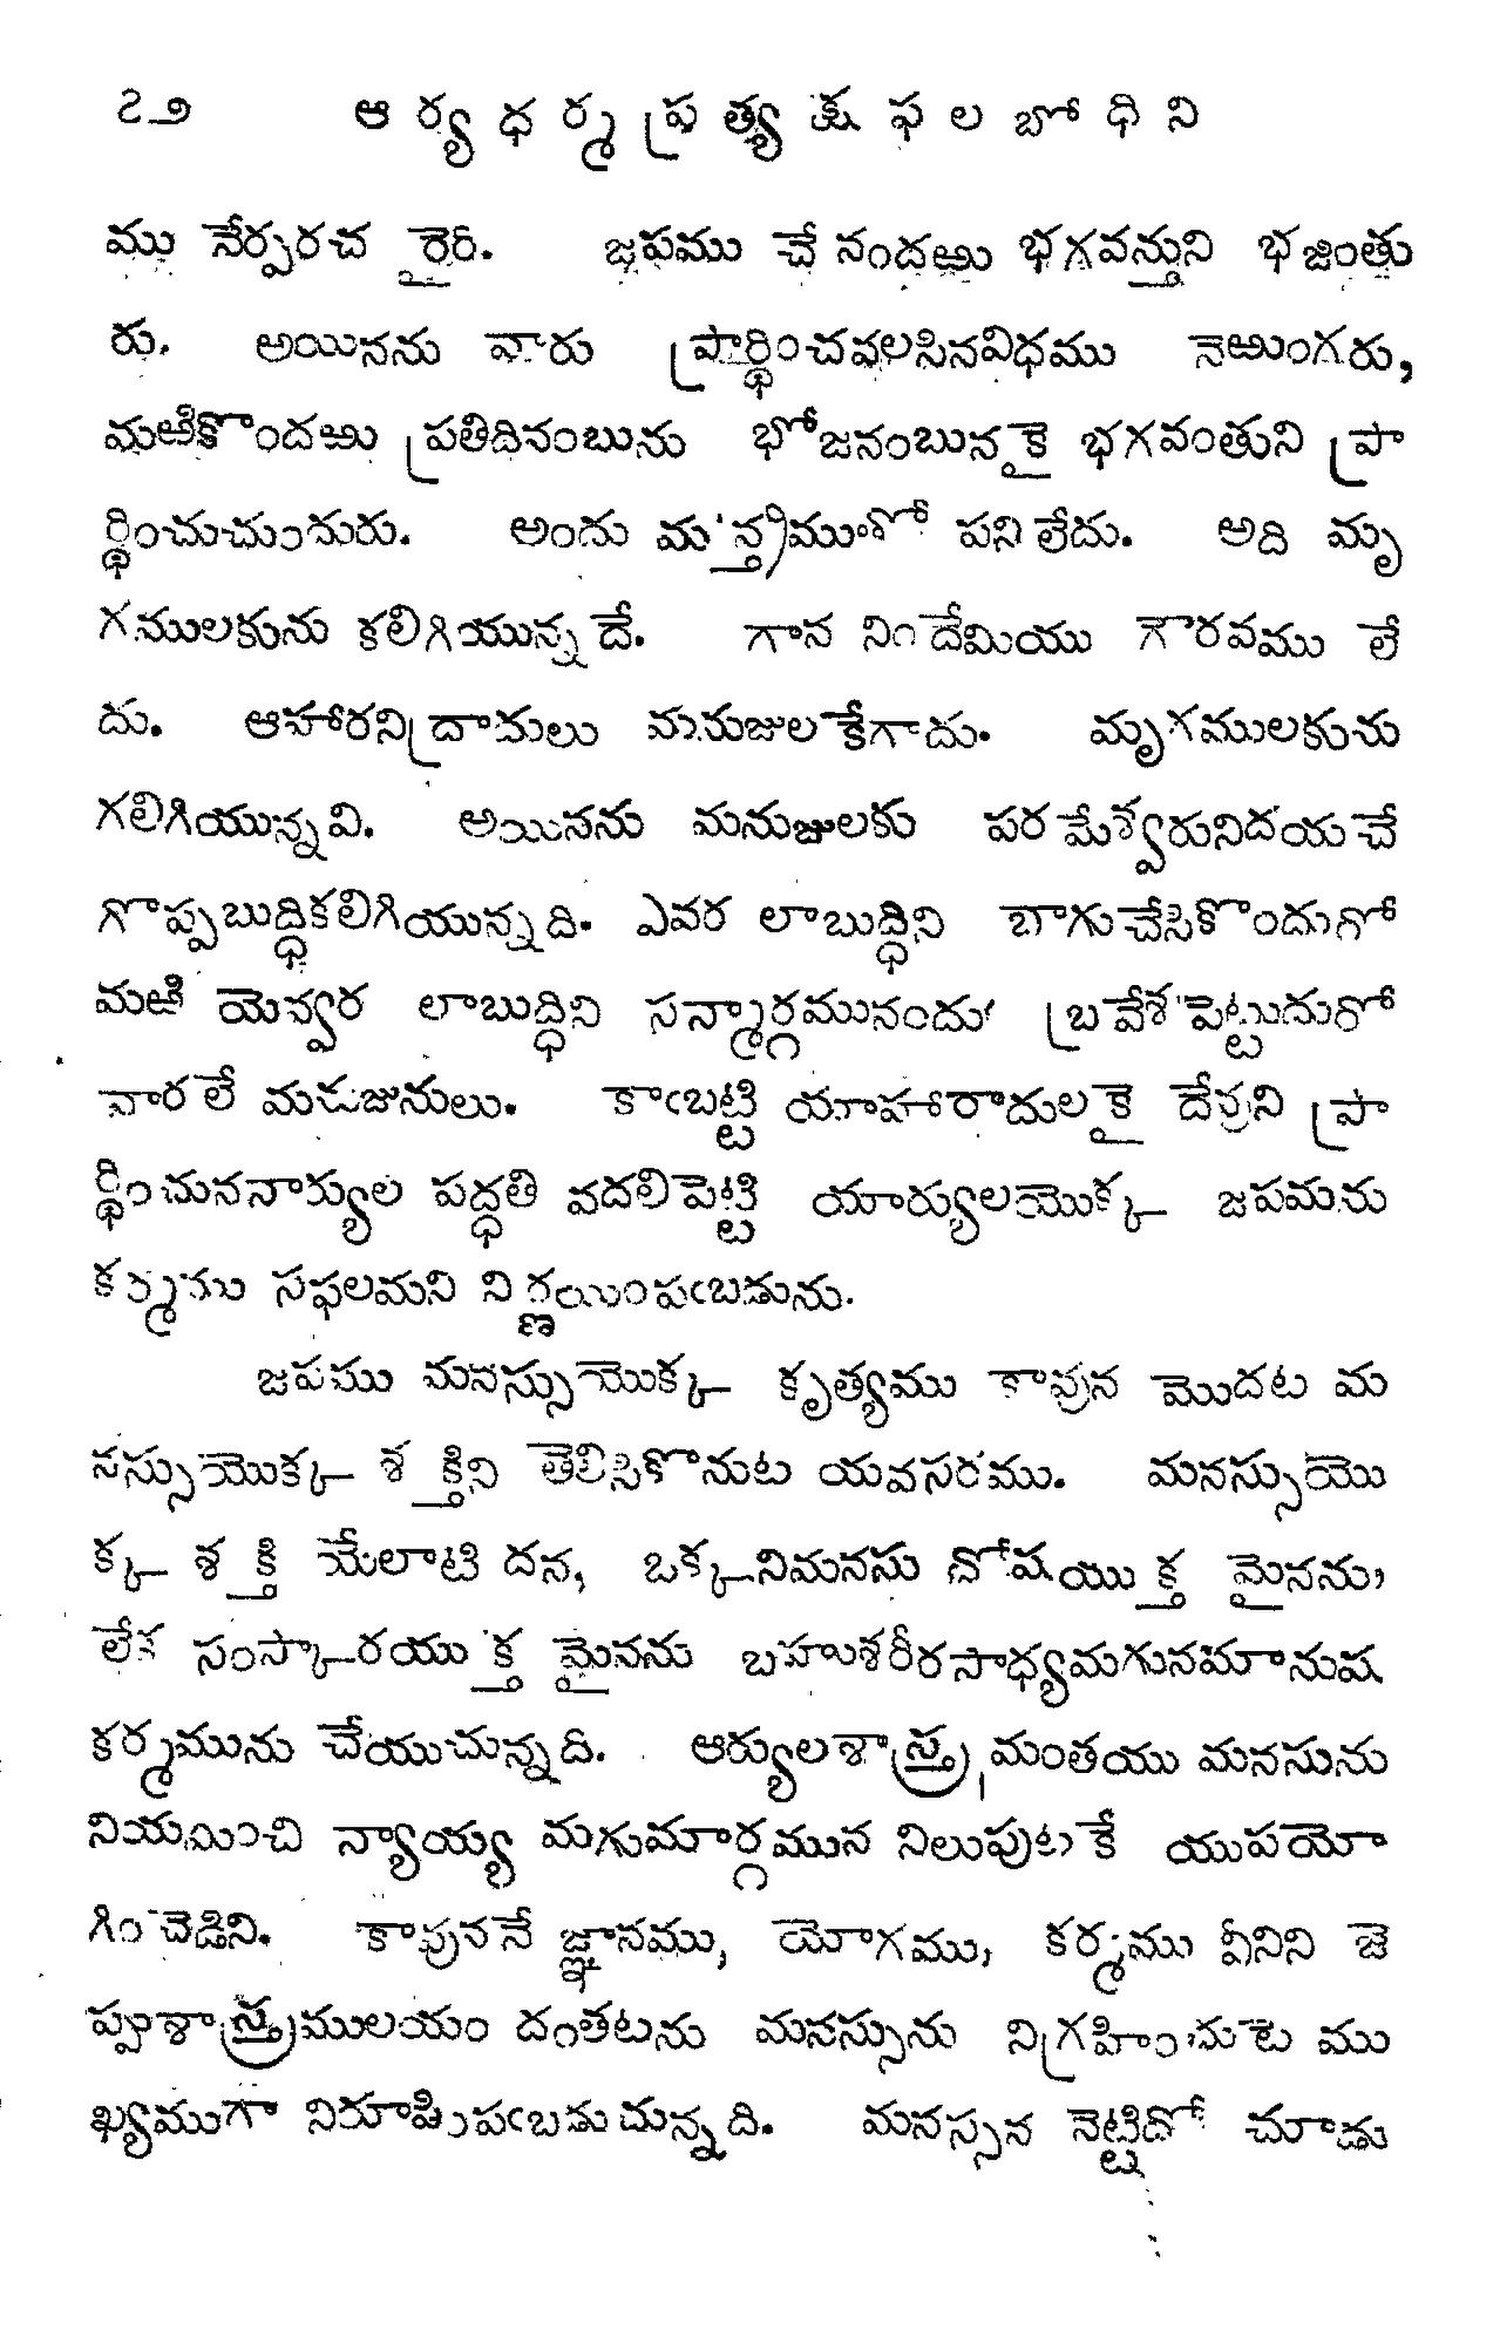ము నేర్పరచ రైరి. జపము చే నందఱు భగవన్తుని భజింతురు, అయినను వారు ప్రార్థించవలసినవిధము నెఱుంగరు, మఱికొందఱు ప్రతిదినంబును భోజనంబునకై భగవంతుని ప్రార్థించుచుందురు. అందు మన్త్రముతో పని లేదు. అది మృగములకును కలిగియున్న దే. గాన నిందేమియు గౌరవము లేదు. ఆహారనిద్రాదులు మనుజులకేగాదు. మృగములకును గలిగియున్నవి. అయినను మనుజులకు పరమేశ్వరునిదయచే
గొప్ప బుద్ధి కలిగియున్నది. ఎవర లాబుద్ధిని బాగుచేసికొందురో మఱి యెవ్వర లాబుద్ధిని సన్మార్గమునందు' బ్రవేశపెట్టుదురో వారలే మనుజునులు. కాఁబట్టి యాహారాదులకై దేవుని ప్రార్థించుననార్యుల పద్ధతి వదలిపెట్టి యార్యులయొక్క జపమను కర్మము సఫలమని నిర్ణయింపఁబడును.

జపము మనస్సుయొక్క కృత్యము కావున మొదట మనస్సుయొక్క శక్తిని తెలిసికొనుట యవసరము. మనస్సుయొక్క శక్తి యేలాటి దన, ఒక్కనిమనసు దోషయుక్త మైనను, లేక సంస్కారయుక్త మైనను బహుశరీరసాధ్యమగునమానుష
కర్మమును చేయుచున్నది. ఆర్యులశాస్త్రమంతయు మనసును నియమిచి న్యాయ మగుమార్గమున నిలుపుటకే యుపయోగించెడిని. కావుననే జ్ఞానము, యోగము, కర్మము వీనిని జెప్పుశాస్త్రములయం దంతటను మనస్సును నిగ్రహించుటె ముఖ్యముగా నిరూపింపఁబడుచున్నది. మనస్సన నెట్టిదో చూడు